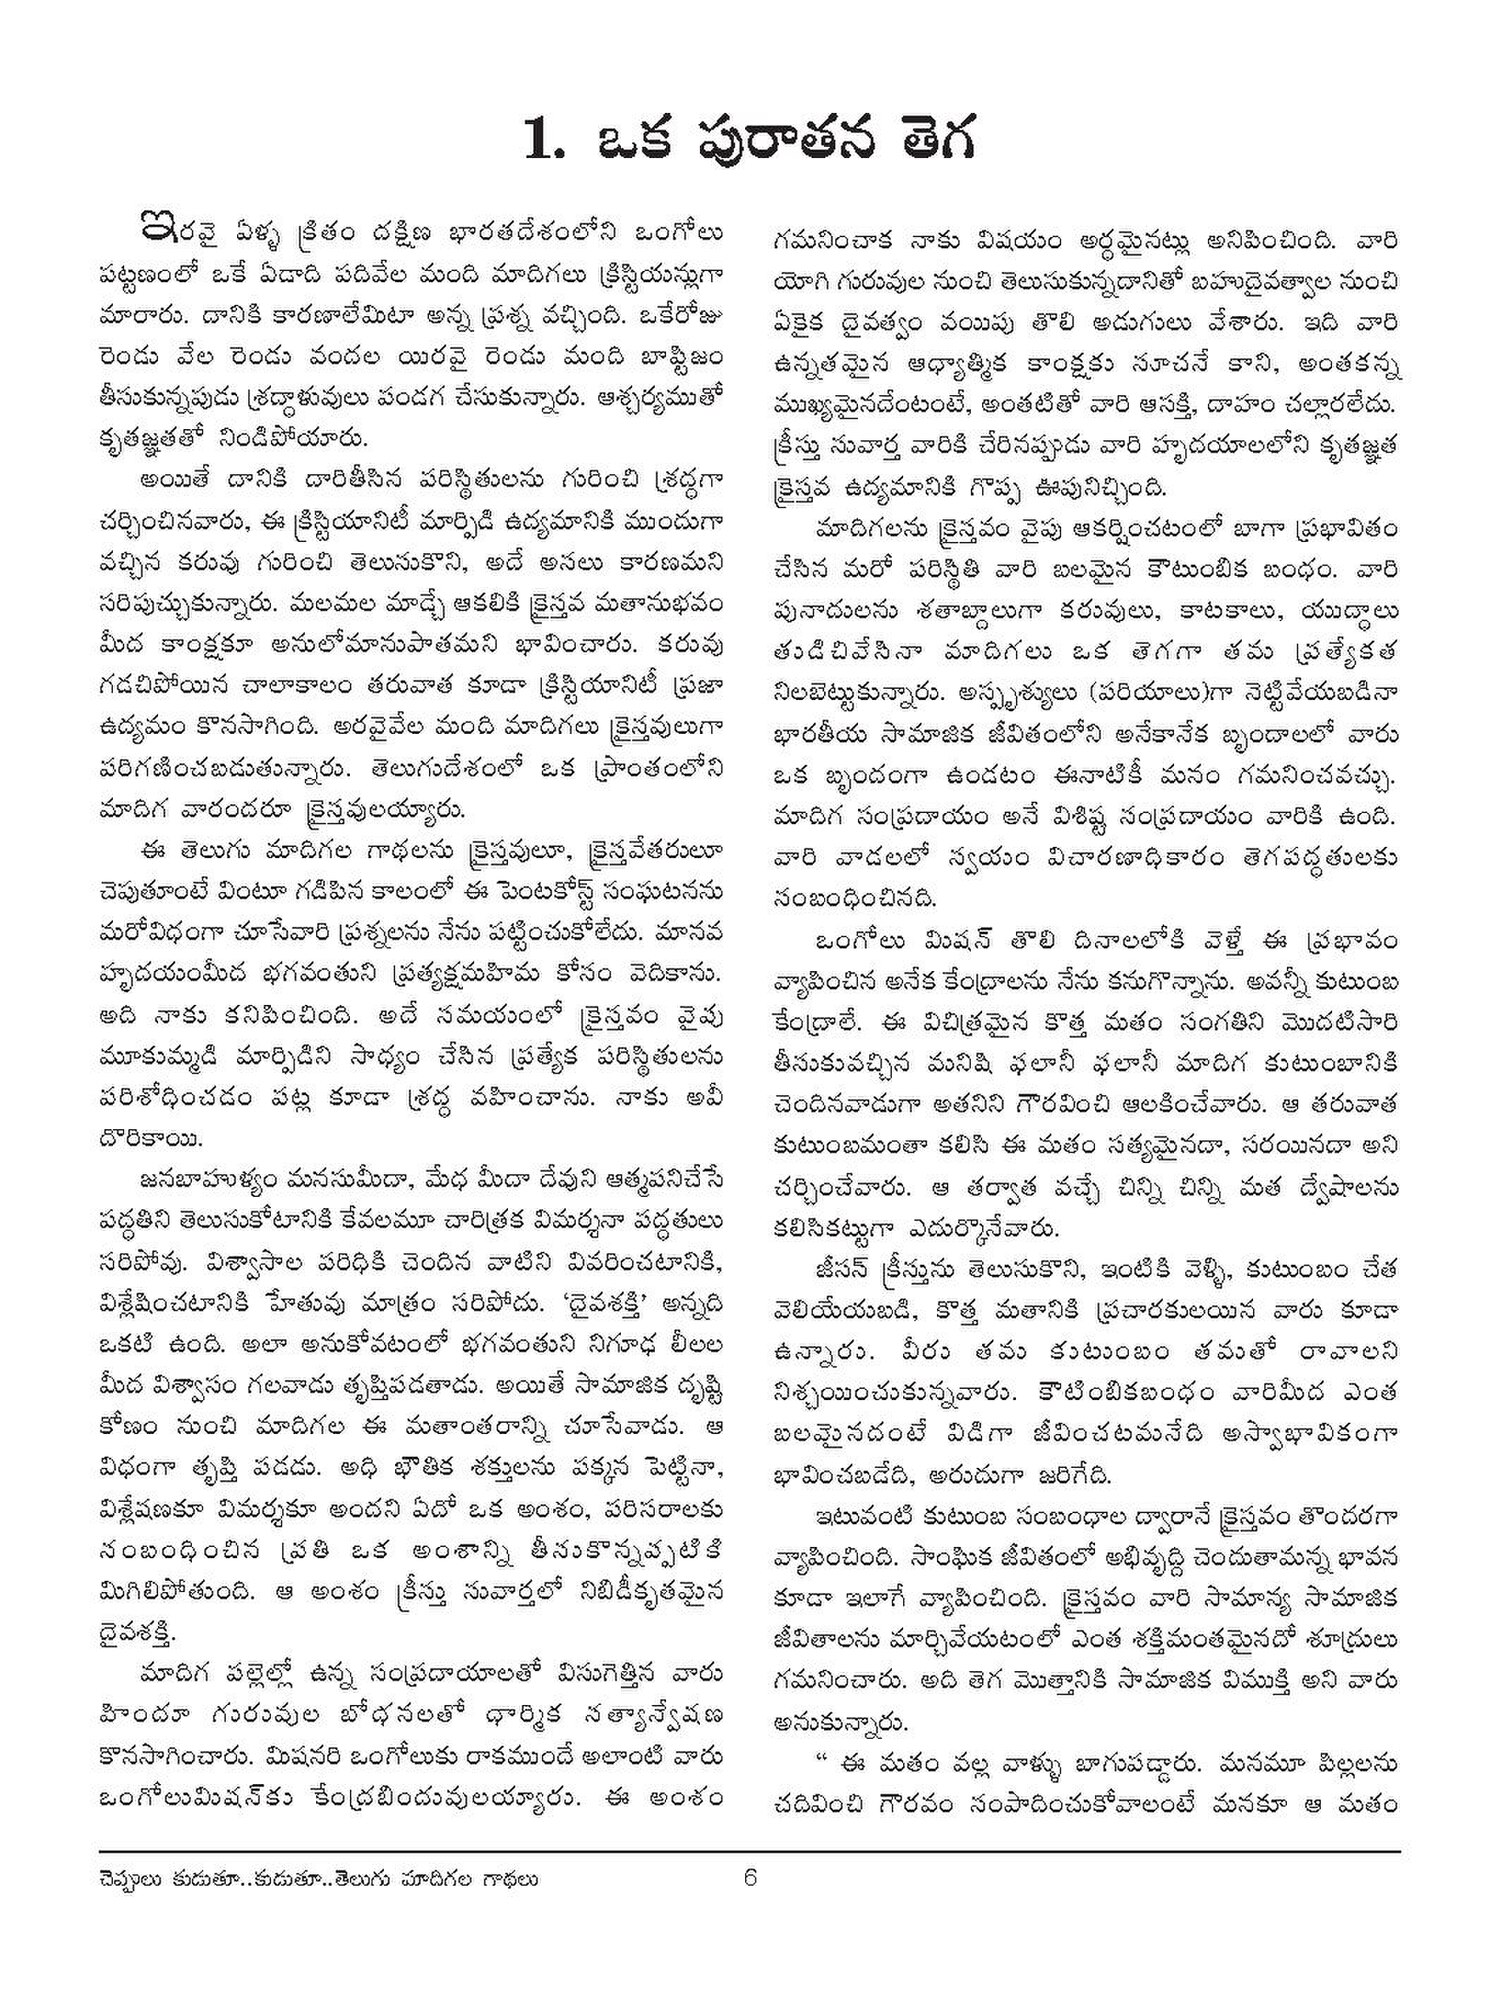1. ఒక పురాతన తెగ

రవై ఏళ్ళ క్రితం దక్షిణ భారతదేశంలోని ఒంగోలు పట్టణంలో ఒకే ఏడాది పదివేల మంది మాదిగలు క్రిష్టియన్లుగా మారారు. దానికి కారణాలేమిటా అన్న ప్రశ్న వచ్చింది. ఒకేరోజు రెండు వేల రెండు వందల యిరవై రెండు మంది బాఫ్టిజం తీసుకున్నపుడు (శ్రద్ధాళువులు పండగ చేసుకున్నారు. ఆశ్చర్యముతో
కృతజ్ఞతతో నిండిపోయారు.

అయితే దానికి దారితీసిన పరిస్థితులను గురించి శ్రద్ధగా చర్చించినవారు, ఈ క్రిస్టియానిటీ మార్పిడి ఉద్యమానికి ముందుగా వచ్చిన కరువు గురించి తెలునుకొని, అదే అనలు కారణమని సరిపుచ్చుకున్నారు. మలమల మాడ్చే ఆకలికి క్రైస్తవ మతానుభవం మీద కాంక్షకూ అనులోమానుపాతమని భావించారు. కరువు
గడచిపోయిన చాలాకాలం తరువాత కూడా క్రిస్టియానిటీ ప్రజా ఉద్యమం కొనసాగింది. అరవైవేల మంది మాదిగలు క్రైస్తవులుగా పరిగణించబడుతున్నారు. తెలుగుదేశంలో ఒక ప్రాంతంలోని మాదిగ వారందరూ కైస్తవులయ్యారు.

ఈ తెలుగు మాదిగల గాథలను క్రైస్తవులూ, క్రైస్తవేతరులూ చెపుతూంటే వింటూ గడిపిన కాలంలో ఈ పెంటకోన్ట్‌ సంఘటనను మరోవిధంగా చూసేవారి ప్రశ్నలను నేను పట్టించుకోలేదు. మానవ హృదయంమీద భగవంతుని ప్రత్యక్షమహిమ కోనం వెదికాను. అది నాకు కనిపించింది. అదే నమయంలో క్రైన్తవం వైవు
మూకుమ్మడి మార్పిడిని సాధ్యం చేసిన ప్రత్యేక పరిస్థితులను వరిశోధించడం పట్ల కూడా శ్రద్ధ వహించాను. నాకు అవీ దొరికాయి.

జనబాహుళ్యం మనసుమీదా, మేధ మీదా దేవుని ఆత్మపనిచేసే పద్ధతిని తెలుసుకోటానికి కేవలమూ చారిత్రక విమర్శనా పద్ధతులు సరిపోవు. విశ్వాసాల పరిధికి చెందిన వాటిని వివరించటానికి, విశ్లేషించటానికి హేతువు మాత్రం సరిపోదు. “దైవశక్తి" అన్నది ఒకటి ఉంది. అలా అనుకోవటంలో భగవంతుని నిగూఢ లీలల మీద విశ్వాసం గలవాడు తృప్పిపడతాడు. అయితే సామాజిక దృష్టి కోణం నుంచి మాదిగల ఈ మతాంతరాన్ని చూసేవాడు. ఆ విధంగా తృప్తి పడడు. అధి భౌతిక శక్తులను పక్కన పెట్టినా, విశ్లేషణకూ విమర్శకూ అందని ఏదో ఒక అంశం, పరిసరాలకు నంబంగించిన (వతి ఒక అంశాన్ని తీనుకొన్నవ్చటికి
మిగిలిపోతుంది. ఆ అంశం క్రీన్తు నువార్తలో నిబిడీకృతమైన దైవశక్తి.

మాదిగ పల్లెల్లో ఉన్న సంప్రదాయాలతో విసుగెత్తిన వారు హిందూ గురువుల బోధనలతో ధార్మిక నత్యాన్వేషణ
కొనసాగించారు. మిషనరి ఒంగోలుకు రాకముందే అలాంటి వారు ఒంగోలు మివన్‌కు కేంద్రబిందువులయ్యారు. ఈ అంశం గమనించాక నాకు విషయం అర్ధమైనట్లు అనిపించింది. వారి యోగి గురువుల నుంచి తెలుసుకున్నదానితో బహుదైవత్వాల నుంచి ఏకైక దైవత్వం వయిపు తొలి అడుగులు వేశారు. ఇది వారి
ఉన్నతమైన ఆధ్యాత్మిక కాంక్షకు నూచనే కాని, అంతకన్న ముఖ్యమైనదేంటంటే, అంతటితో వారి ఆసక్తి, దాహం చల్లారలేదు. క్రీస్తు నువార్త వారికి చేరినప్పుడు వారి హృదయాలలోని కృతజ్ఞత క్రైస్తవ ఉద్యమానికి గొప్ప ఊపునిచ్చింది.

మాదిగలను క్రైస్తవం వైపు ఆకర్షించటంలో బాగా ప్రభావితం చేసిన మరో పరిస్థితి వారి బలమైన కౌటుంబిక బంధం. వారి పునాదులను శతాబ్బాలుగా కరువులు, కాటకాలు, యుద్దాలు తుడిచివేనినా మాదిగలు ఒక తెగగా తమ ప్రత్యేకత నిలబెట్టుకున్నారు. అస్పృశ్యులు (పరియాలు)గా నెట్టివేయబడినా భారతీయ సామాజిక జీవితంలోని అనేకానేక బృందాలలో వారు ఒక బృందంగా ఉండటం ఈనాటికీ మనం గమనించవచ్చు.
మాదిగ సంప్రదాయం అనే విశిష్ట నంప్రదాయం వారికి ఉంది. వారి వాడలలో స్వయం విచారణాధికారం తెగపద్ధతులకు నంబంధించినది.

ఒంగోలు మీషన్‌ తొలి దినాలలోకి వెళ్తే ఈ ప్రభావం వ్యాపించిన అనేక కేంద్రాలను నేను కనుగొన్నాను. అవన్నీ కుటుంబ కేంద్రాలే. ఈ విచిత్రమైన కొత్త మతం సంగతిని మొదటిసారి తీనుకువచ్చిన మనిషి ఫలానీ ఫలానీ మాదిగ కుటుంబానికి చెందినవాడుగా అతనిని గౌరవించి ఆలకించేవారు. ఆ తరువాత కుటుంబమంతా కలిసి ఈ మతం సత్యమైనదా, సరయినదా అని చర్చించేవారు. ఆ తర్వాత వచ్చే చిన్ని చిన్ని మత ద్వేషాలను కలిసికట్టుగా ఎదుర్శొనేవారు.

జీసన్‌ క్రీన్తును తెలుసుకొని, ఇంటికి వెళ్ళి, కుటుంబం చేత వెలియేయబడి, కొత్త మతానికి ప్రచారకులయిన వారు కూడా ఉన్నారు. వీరు తమ కుటుంబం తమతో రావాలని నిశ్చయించుకున్నవారు. కౌటింబికబంధం వారిమీద ఎంత బలమ్రైనదంటే విడిగా జీవించటమనేది అస్వాభావికంగా భావించబడేది, అరుదుగా జరిగేది.

ఇటువంటి కుటుంబ సంబంధాల ద్వారానే క్రైస్తవం తొందరగా వ్యాపించింది. సాంఘిక జీవితంలో అభివృద్ది చెందుతామన్న భావన కూడా ఇలాగే వ్యాపించింది. క్రైస్తవం వారి సామాన్య సామాజిక జీవితాలను మార్చివేయటంలో ఎంత శక్తిమంతమైనదో శూద్రులు గమనించారు. అది తెగ మొత్తానికి సామాజిక విముక్తి అని వారు అనుకున్నారు.

"ఈ మతం వల్ల వాళ్ళు బాగుపడ్డారు. మనమూ పిల్లలను చదివించి గౌరవం నంపాదించుకోవాలంటే మనకూ ఆ మతం